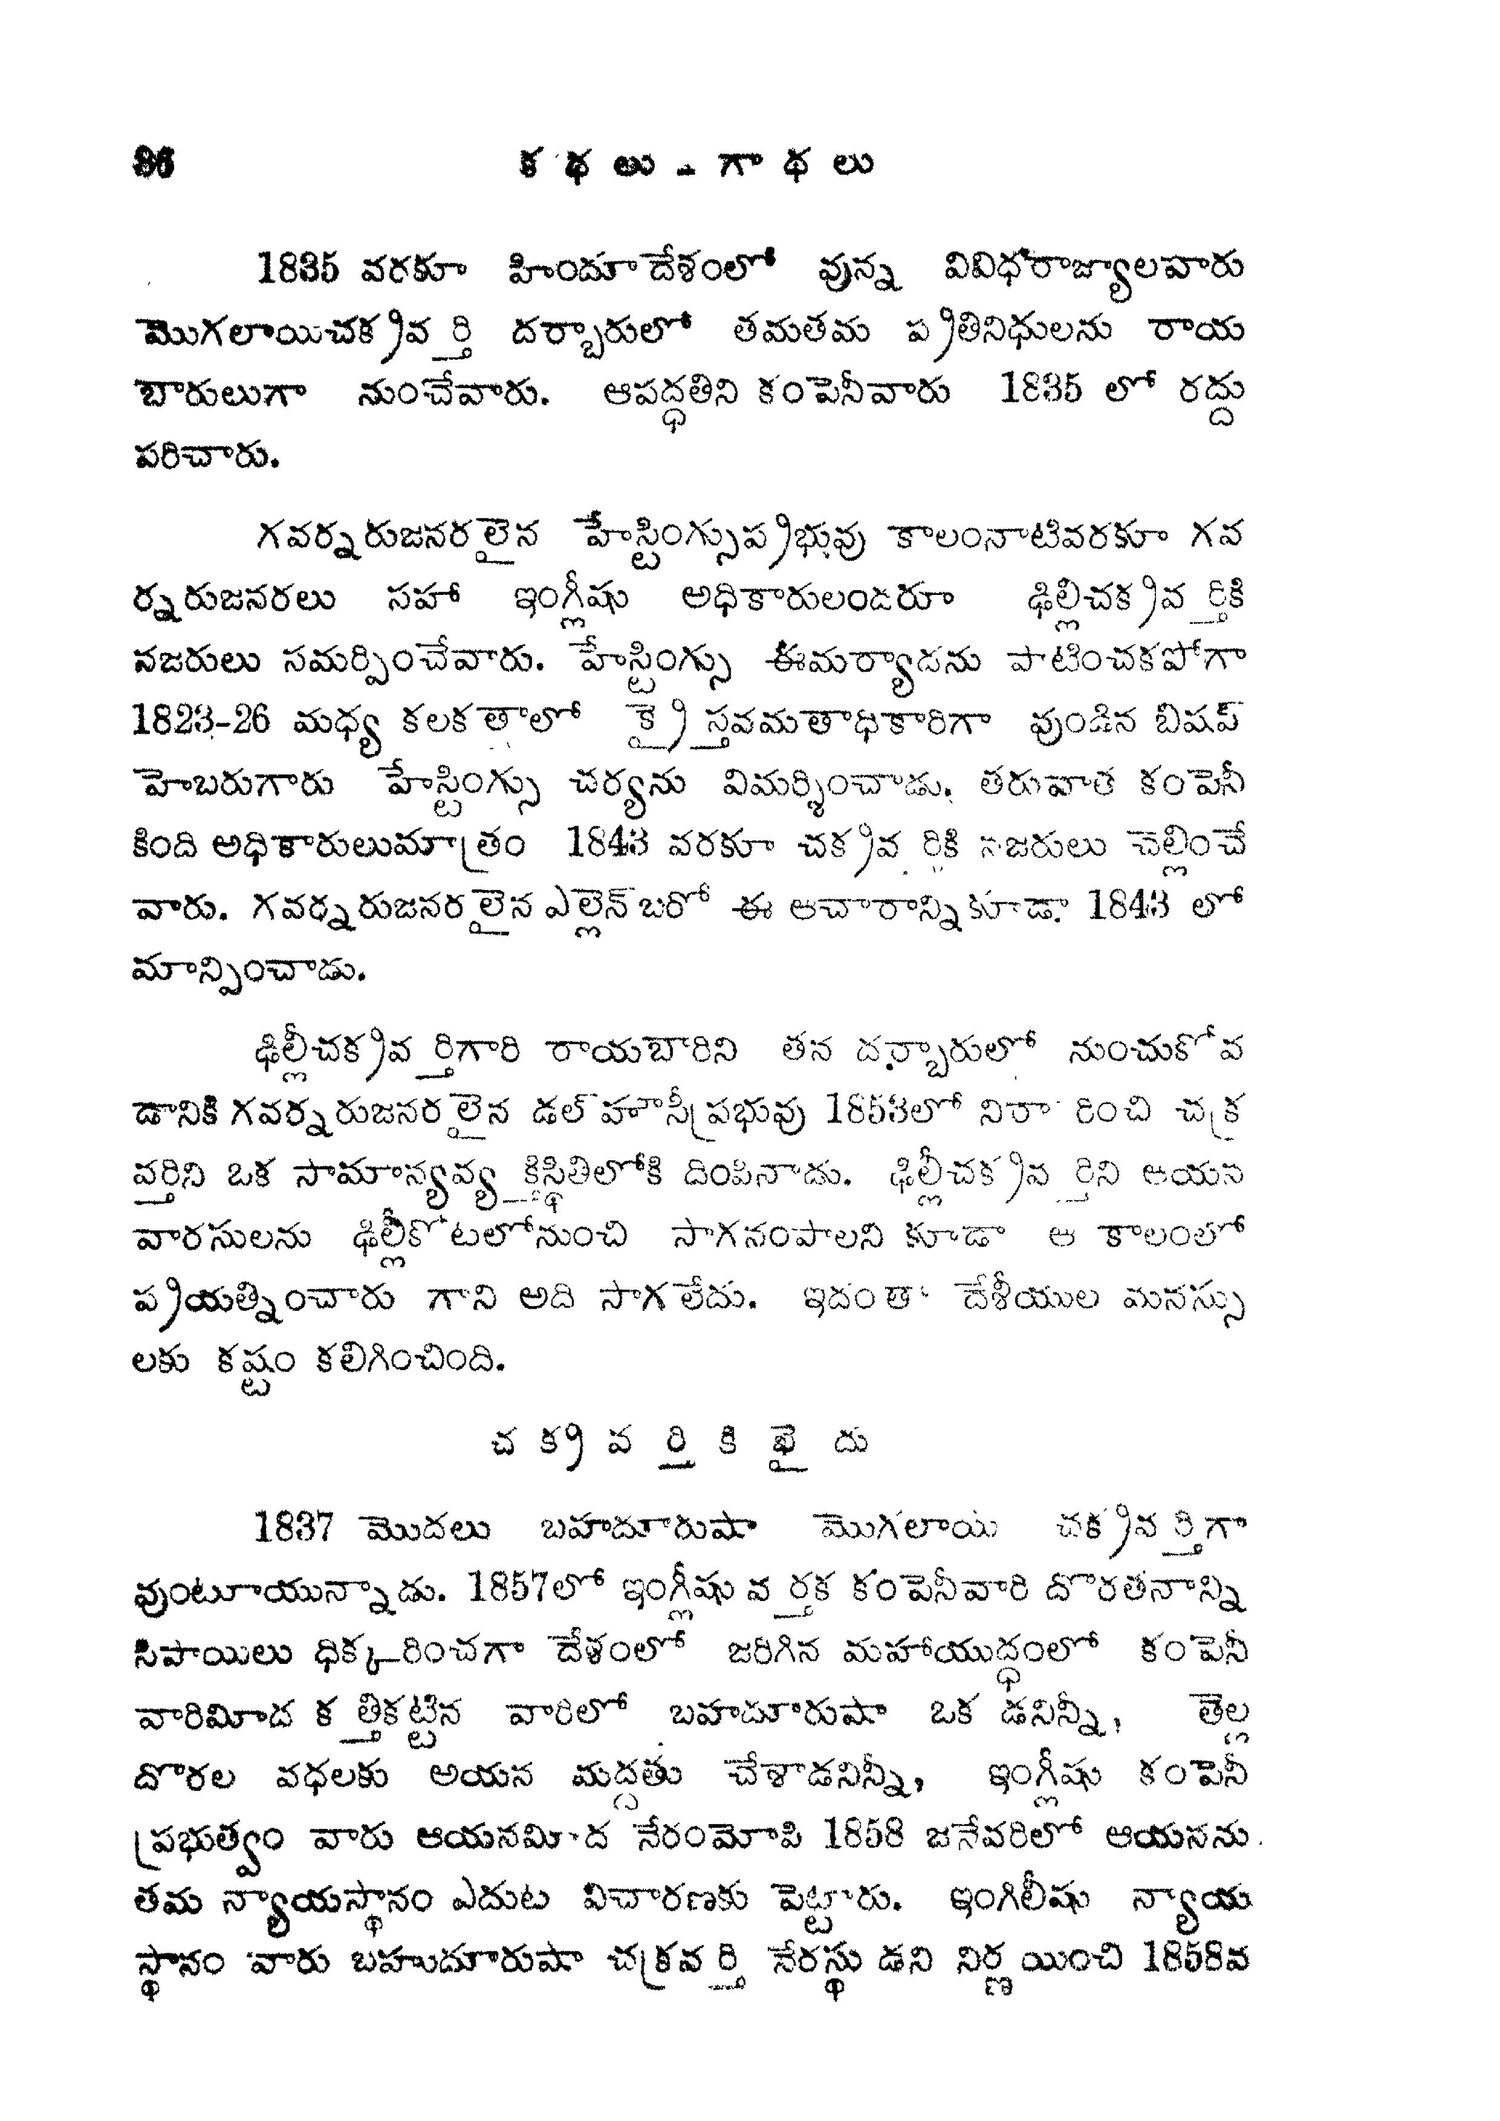1835 వరకూ హిందూదేశంలో వున్న వివిధరాజ్యాలవారు మొగలాయి చక్రవర్తి దర్బారులో తమతమ ప్రతినిధులను రాయబారులుగా నుంచేవారు. ఆపరిస్థితిని కంపెనీవారు 1835 లో రద్దు పరిచారు.

గవర్నరుజనరలైన హేస్టింగ్రుప్రభువు కాలంనాటివరకూ గవర్నరుజనరలు సహా ఇంగ్లీషు అధికారులందరూ ఢిల్లీచక్రవర్తికి నజరులు సమర్పించేవారు. హేస్టింగ్సు ఈమర్యాదను పాటించకపోగా 1823-26 మధ్య కలకత్తాలో క్రైస్తవమతాధికారిగా వుండిన బిషప్ హెబరుగారు హేస్టింగ్సు చర్యను విమర్శించారు. తరువాత కంపెనీ కింది అధికారులుమాత్రం 1843 వరకూ చక్రవర్తికి నజరులు చెల్లించేవారు. గవర్నరుజనరలైన ఎల్లెన్ బరో ఈ ఆచారాన్ని కూడా 1843 లో మాన్పించాడు.

ఢిల్లీచక్రవర్తిగారి రాయబారిని తన దర్బారులో నుంచుకోవడానికి గవర్నరుజనరలైన డల్ హోసీప్రభువు 1853 లో నిరాకరించి చక్రవర్తిని ఒక సామాన్యవ్యక్తిస్థితిలోకి దింపినాడు. ఢిల్లీచక్రవర్తిని ఆయన వారసులను ఢిల్లీ కోటలోనుంచి సాగనంపాలని కూడా ఆ కాలంలో ప్రయత్నించారు గాని అది సాగలేదు. ఇదంతా దేశీయుల మనస్సులకు కష్టం కలిగించింది.

1837 మొదలు బహదూరుషా మొగలాయి చక్రవర్తిగా వుంటూయున్నాడు. 1857 లో ఇంగ్లీషు వర్తక కంపెనీవారి దొరతనాన్ని సిపాయిలు ధిక్కరించగా దేశంలో జరిగిన మహాయుద్ధంలో కంపెనీ వారిమీద కత్తికట్టిన వారిలో బహదూరుషా ఒకడనిన్నీ, తెల్లదొరల వధలకు ఆయన మద్ధతు చేశాడనిన్నీ, ఇంగ్లీషు కంపెనీ ప్రభుత్వం వారు ఆయనమీద నేరంమోపి 1858 జనవరిలో ఆయనను తమ న్యాయస్థానం ఎదుట విచారణకు పెట్టారు. ఇంగిలీషు న్యాయస్థానం వారు బహదూరుషా చక్రవర్తి నేరస్థుడని నిర్ణయించి 1858 న